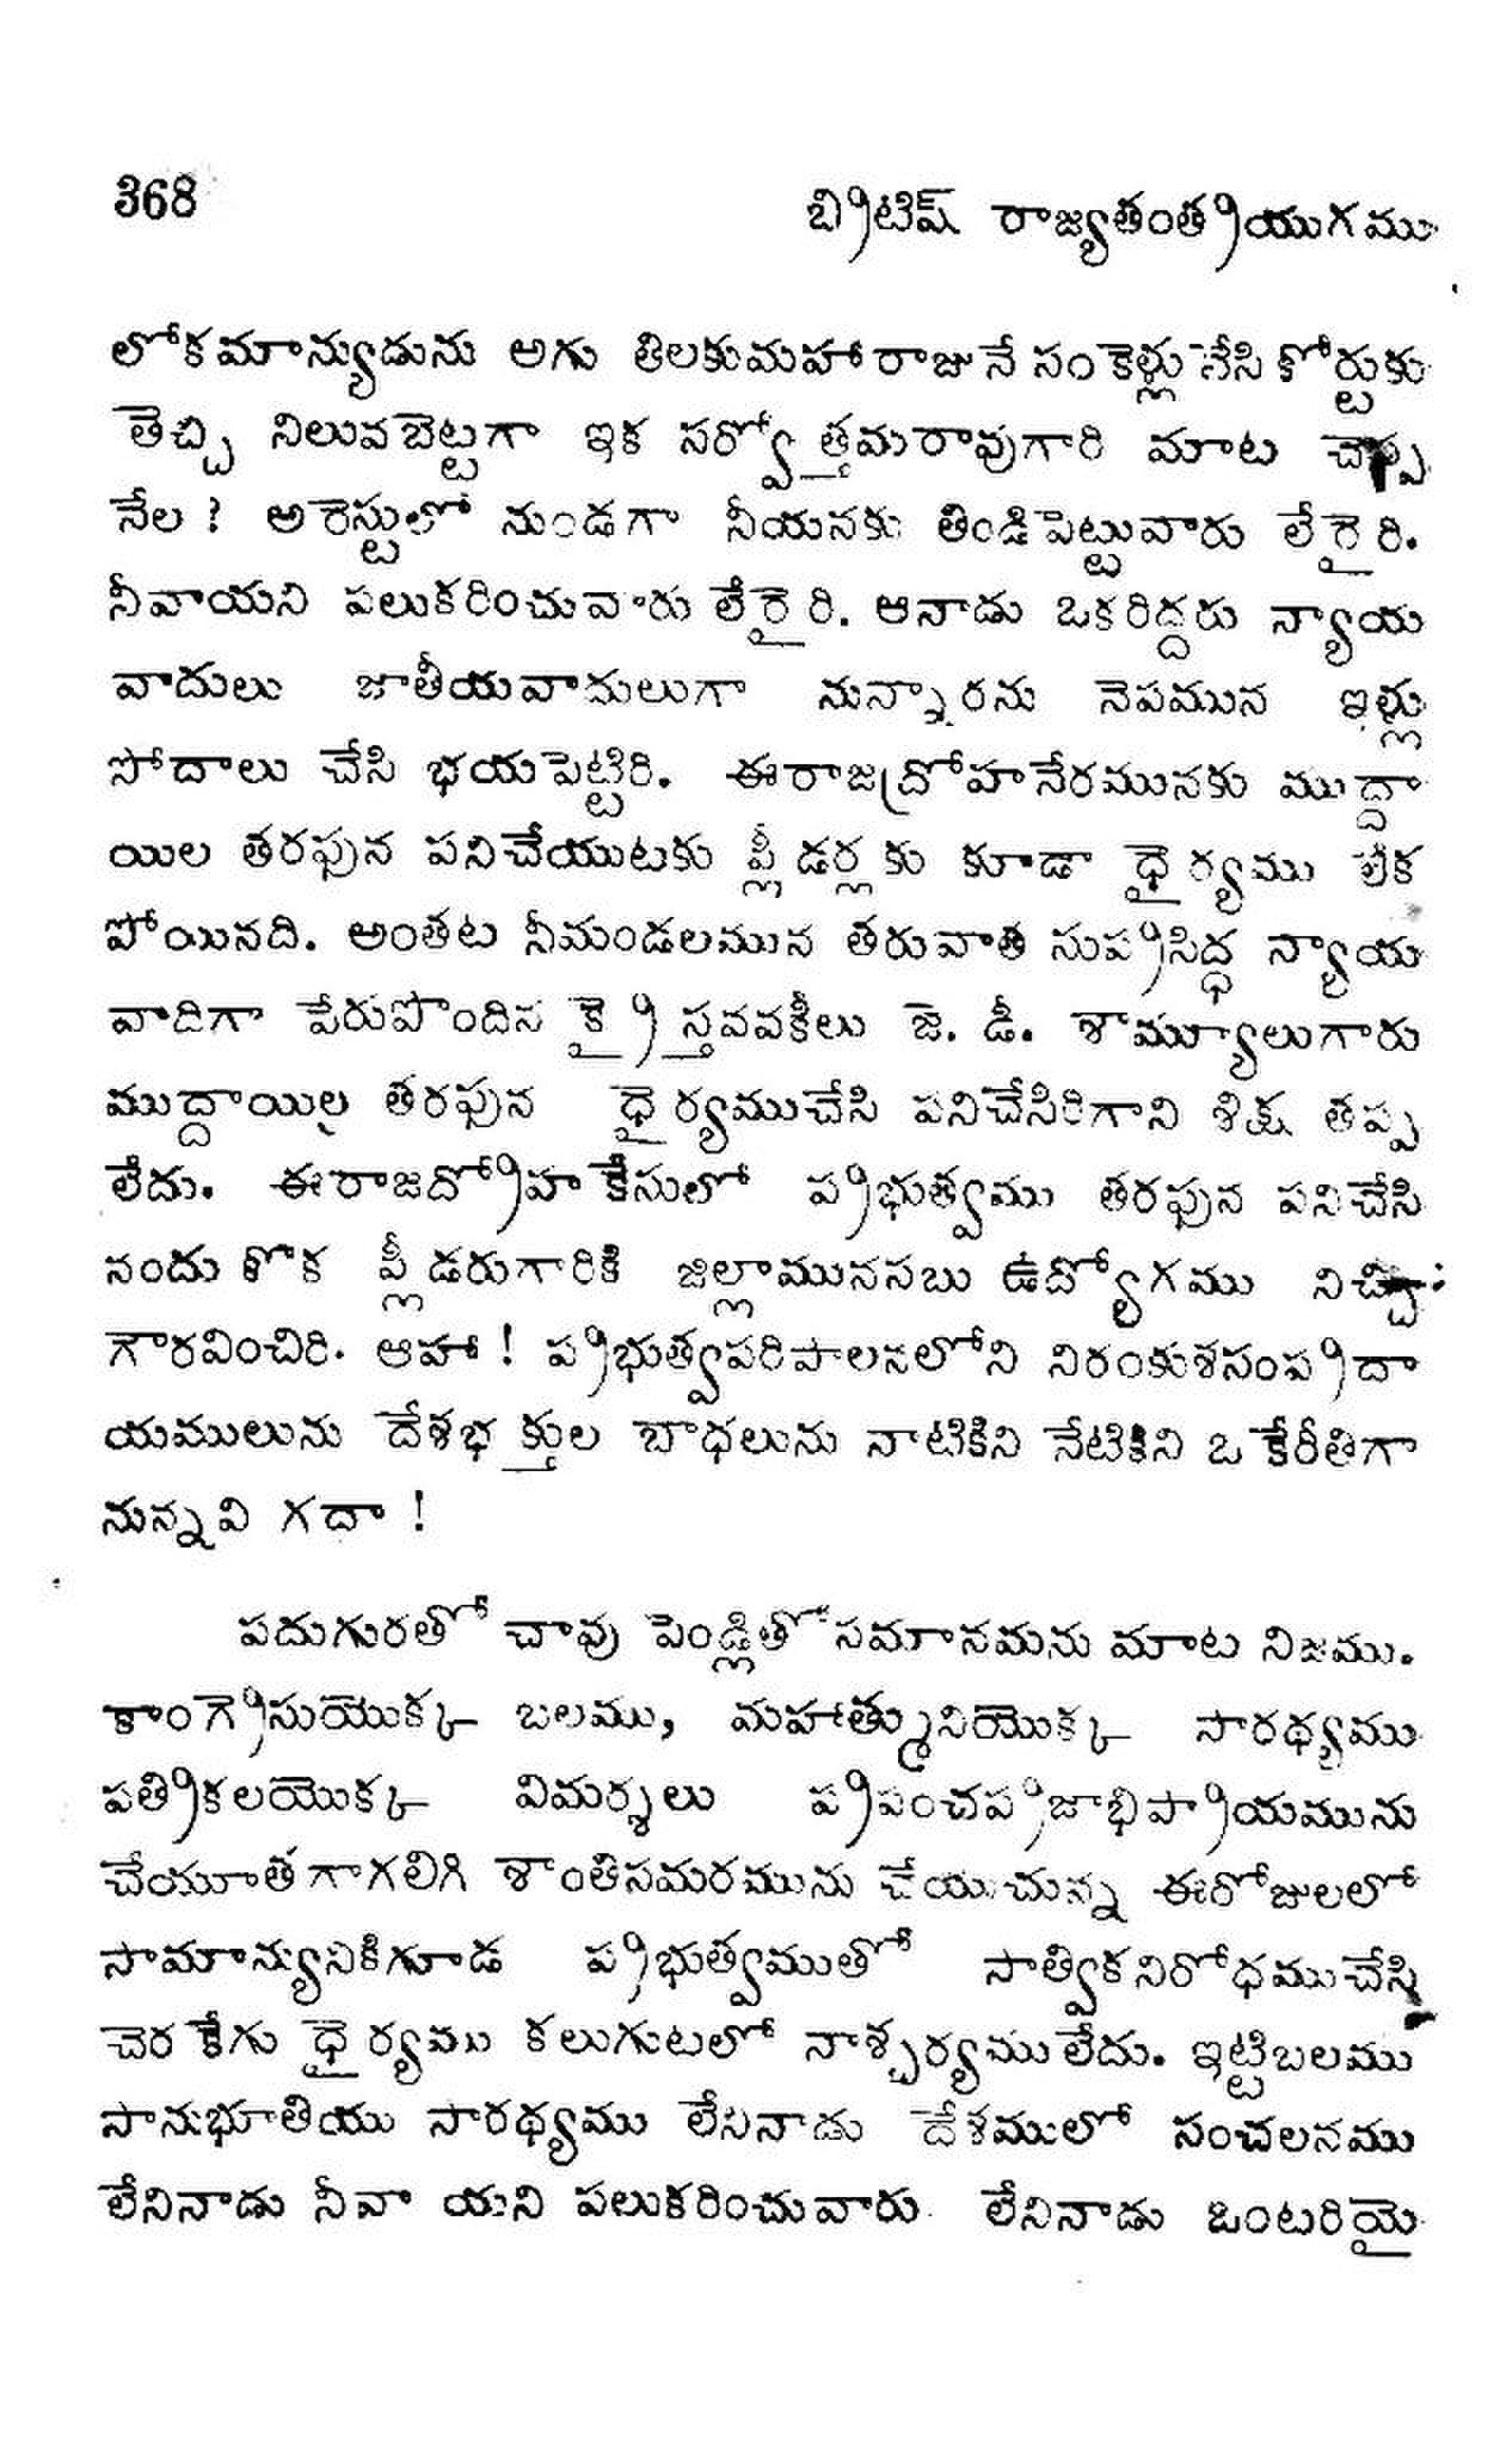లోకమాన్యుడును అగు తిలకుమహారాజునే సంకెళ్లువేసి కోర్టుకు తెచ్చి నిలువ బెట్టగా ఇక సర్వోత్తమరావుగారి మాట చెప్పనేల? అరెస్టులో నుండగా నీయనకు తిండిపెట్టువారు లేరైరి. నీవాయని పలుకరించువారులేరైరి. ఆనాడు ఒకరిద్దరు న్యాయవాదులు జాతీయవాదులుగా నున్నారను నెపమున ఇళ్లు సోదాలు చేసి భయపెట్టిరి. ఈ రాజద్రోహనేరమునకు ముద్దాయిల తరఫున పనిచేయుటకు ప్లీడర్లకు కూడా ధైర్యము లేకపోయినది. అంతట నీమండలమున తరువాత సుప్రసిద్ధ న్యాయవాదిగా పేరుపొందిన క్రైస్తవవకీలు జె. డీ. శామ్యూలుగారు ముద్దాయిల తరఫున ధైర్యముచేసి పనిచేసిరిగాని శిక్ష తప్పలేదు. ఈ రాజద్రోహకేసులో ప్రభుత్వము తరఫున పనిచేసి నందు కొక ప్లీడరుగారికి జిల్లామునసబు ఉద్యోగము నిచ్చి గౌరవించిరి. ఆహా ! ప్రభుత్వపరిపాలనలోని నిరంకుశసంప్రదాయములును దేశభక్తుల బాధలును నాటికిని నేటికిని ఒకేరీతిగా నున్నవి గదా !

పదుగురతో చావు పెండ్లితోసమానమను మాట నిజము. కాంగ్రెసుయొక్క బలము, మహాత్మునియొక్క సారథ్యము పత్రికలయొక్క విమర్శలు ప్రపంచప్రజాభిప్రాయమును చేయూతగాగలిగి శాంతిసమరమును చేయుచున్న ఈరోజులలో సామాన్యునికిగూడ ప్రభుత్వముతో సాత్వికనిరోధముచేసి, చెరకేగు ధైర్యము కలుగుటలో నాశ్చర్యములేదు. ఇట్టిబలము సానుభూతియు సారథ్యము లేనినాడు దేశములో సంచలనము లేనినాడు నీవా యని పలుకరించువారు లేనినాడు ఒంటరియై